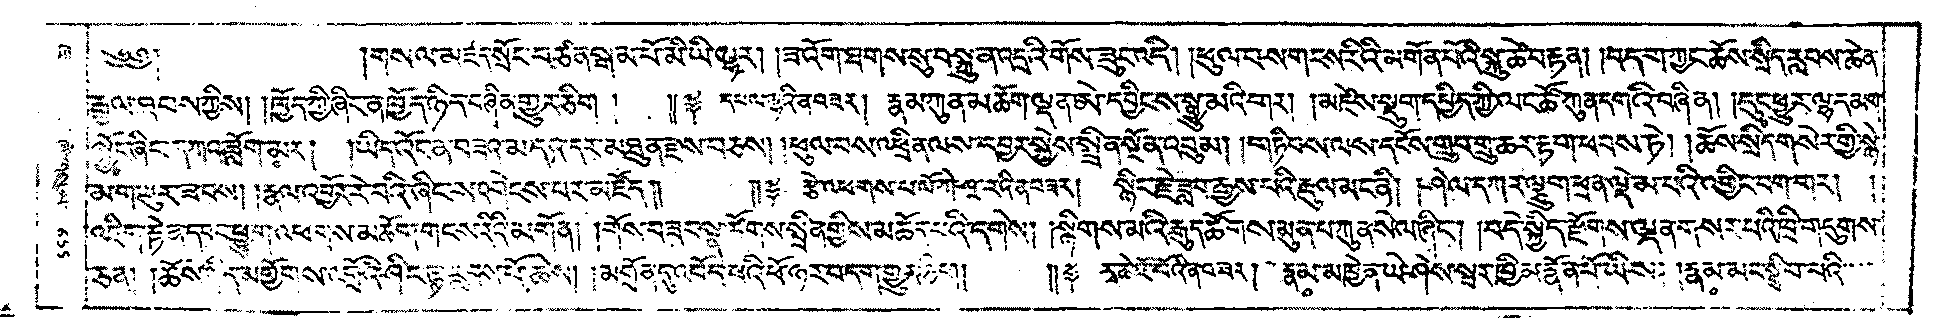༄༅། །གསལ་མཛད་སྲོང་བཙན་སྒམ་པོ་མི་ཡི་ལྷར། །ཟ་འོག་ཐགས་སུ་བསྐྲུན་འདྲའི་གོས་ཟུང་འདི། །ཕུལ་བས་གངས་རིའི་མགོན་པོའི་སྐུ་ཚེ་བརྟན། །བདག་ཀྱང་ཆོས་སྲིད་རླབས་ཆེན་
རྒྱལ་ཐབས་ཀྱིས། །ཁྱོད་ཀྱི་ཞིང་ན་ཁྱོད་ཉིད་བཞིན་གྱུར་ཅིག ། །། ༈ དཔལ་ལྷའི་ན་བཟར།  རྣམ་ཀུན་མཆོག་ལྡན་ཨེ་དབྱིངས་སྒྱུ་མའི་གར། །མཛེས་སྡུག་དཔྱིད་ཀྱི་ལང་ཚོ་ཀུན་དགའི་བཞིན། །དུང་ཕྱུར་ལྷ་དམག་
སྐྱོང྾་ཞིང་དཀའ་ཟློག་མར྾། །ཡིད་འོང་ན་བཟའ་མདའ་དར་མཐུན་རྫས་བཅས། །ཕུལ་བས་འཕྲིན་ལས་དབྱར་སྐྱེས་སྤྲིན་སྔོན་འབུམ། །གཏིབས་ལས་དངོས་གྲུབ་གྲུ་ཆར་རྟག་ཕབས་ཏེ། །ཆོས་སྲིད་གསེར་གྱི་སྙེ་
མ་གཡུར་ཟ་བས། །རྣལ་འབྱོར་རེ་བའི་ཞིང་ས་འགེངས་པར་མཛོད།། །། ༈ རྩེ་འཕགས་པ་ལོ་ཀེ་ཤྭ་རའི་ན་བཟར།  སྙིང་རྗེ་ཟླ་བ་རྒྱས་པའི་རྡུལ་མང་ནི། །ཤེལ་དཀར་ལྕུག་ཕྲན་ལྡེམ་པའི་འགྱིང་བག་གར། །
འཇིག་རྟེན་དབང་ཕྱུག་འཕགས་མཆོག་གངས་རིའི་མགོན། །གོས་བཟང་སྣ་ཚོགས་སྤྲིན་གྱིས་མཆོད་པའི་དགེས། །སྙིགས་མའི་རྒུད་ཚོགས་མུན་པ་ཀུན་སེལ་ཞིང་། །བདེ་སྐྱིད་རྫོགས་ལྡན་གསར་པའི་ཁྲི་གདུགས་
ཅན། །ཆོས་སྲིད་མགྱོགས་འགྲོའི་ཤིང་རྟ་རླབས་པོ་ཆེས། །མགྲོན་དུ་འབོད་པའི་ཕོ་ཉར་བདག་གྱུར་ཅིག ། །། ༈ རྭ་ཆེ་ཇོ་བོའི་ན་བཟར།  རྣམ྾་མཁྱེན་ཡེ་ཤེས་སྦར་ཁྱིམ་རྣོན་པོ་ཡིས། །རྣམ྾་མང་སྒྲིབ་པའི་